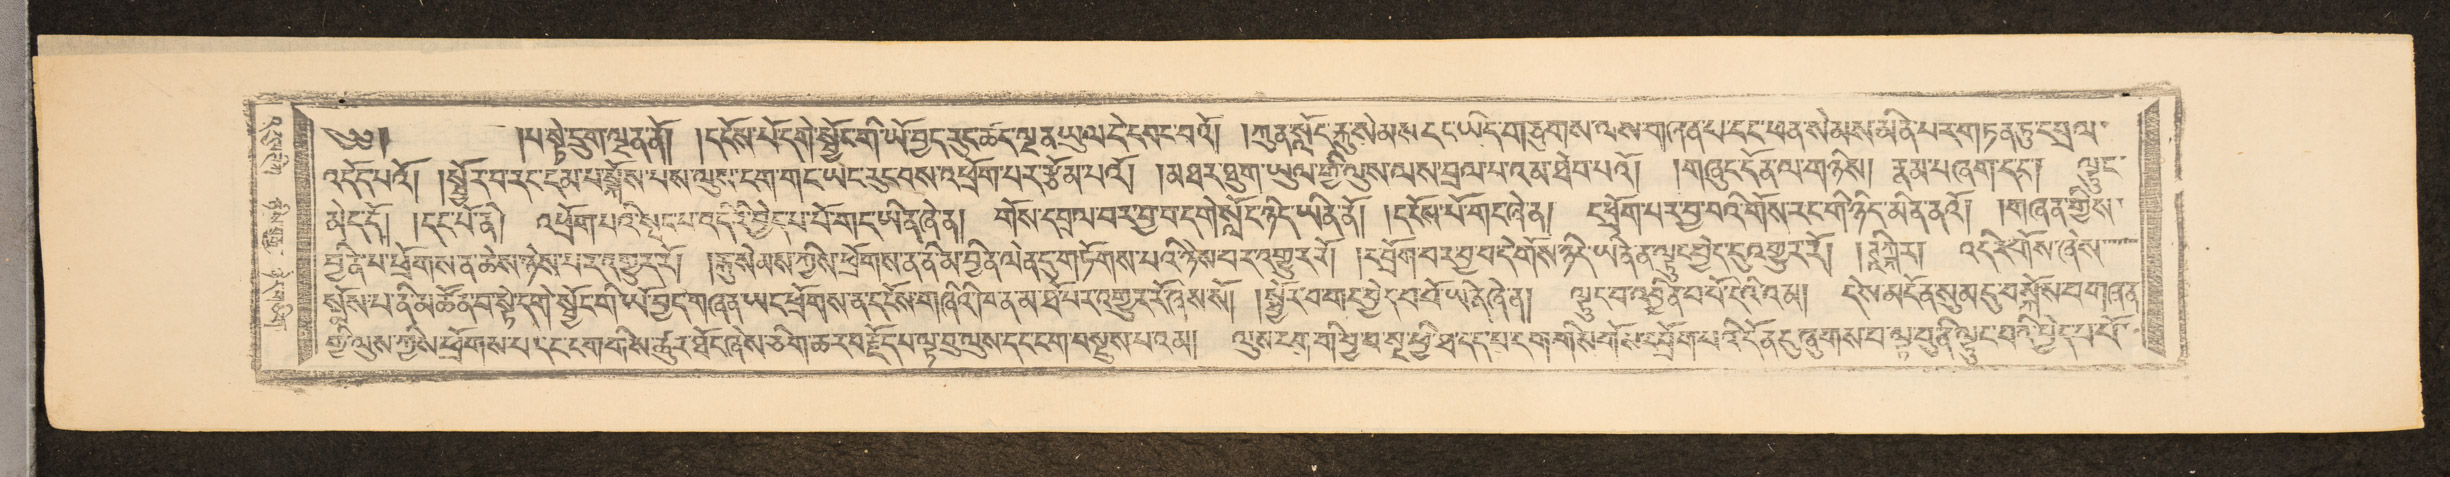༄༅། །པ་སྟེ་དྲུག་ལྡན་ནོ། །དངོས་པོ་དགེ་སྦྱོང་གི་ཡོ་བྱད་རུང་ཚད་ལྡན་ཡུལ་དེ་དབང་བའོ། །ཀུན་སློང་རྐུ་སེམས་དང་ཡིད་བཅུ་གཅུགས་ལས་གཞན་པ་དང་ཕན་སེམས་མིན་པར་གཏན་དུ་དབྲལ་
འདོད་པའོ། །སྦྱོར་བ་རང་ངམ་བསྐོས་པས་ལུས་ངག་གང་ཡང་རུང་བས་འཕྲོག་པར་རྩོམ་པའོ། །མཐར་ཐུག་ཡུལ་གྱི་ལུས་ལས་བྲལ་བ་འམ་ཐོབ་པའོ། །གཞུང་དོན་ལ་གཉིས། རྣམ་བཞག་དང་། ལྟུང་
མེད་དོ། །དང་པོ་ནི། འཕྲོག་པའི་སྤང་བ་འདིའི་བྱེད་པ་པོ་གང་ཡིན་ཞེ་ན། གོས་དབྲལ་བར་བྱ་བ་དགེ་སློང་ཉིད་ཡིན་ནོ། །དངོས་པོ་གང་ཞེ་ན། དབྲོག་པར་བྱ་བའི་གོས་རང་གི་ཉིད་མིན་ནའོ། །གཞན་གྱིས་
བྱིན་པ་ཕྲོགས་ན་ཆེས་ཉེས་པར་འགྱུར་རོ། །རྐུ་སེམས་ཀྱིས་ཕྲོགས་ན་ནི་མ་བྱིན་ལེན་དུ་གཏོགས་པའི་ཉེས་པར་འགྱུར་རོ། །དབྲོག་པར་བྱ་བ་དེ་གོས་ཉིད་ཡིན་ན་ལྟུང་བྱེད་དུ་འགྱུར་རོ། །ཊཱིཀྐར། འདིར་གོས་ཞེས་
སྨོས་པ་ནི་མཚོན་པ་སྟེ་དགེ་སྦྱོང་གི་ཡོ་བྱད་གཞན་ཡང་ཕྲོགས་ན་དངོས་གཞིའི་ཁ་ན་མ་ཐོ་བར་འགྱུར་རོ་ཞེས་སོ། །སྦྱོར་བ་གང་བྱེད་བ་པོ་ཡིན་ཞེ་ན། ལྟུང་བ་འབྱིན་པ་པོ་དེའི་འམ། དེས་མངོན་སུམ་དུ་བསྐོས་པ་གཞན་
གྱི་ལུས་ཀྱིས་ཕྲོགས་པ་དང་ངག་གིས་ཚུར་ཐོང་ཞེས་ཅིག་ཆར་བརྗོད་པ་ལྟ་བུ་ལུས་དང་ངག་བསྡུས་པ་འམ། ལུས་ངག་གི་བྱ་བ་སྔ་ཕྱི་ཐ་དད་པ་དག་གིས་གོས་དཔྲོག་པའི་དོན་དུ་ཞུགས་པ་ལྟ་བུ་ནི་ལྟུང་བའི་བྱེད་པ་པོ་